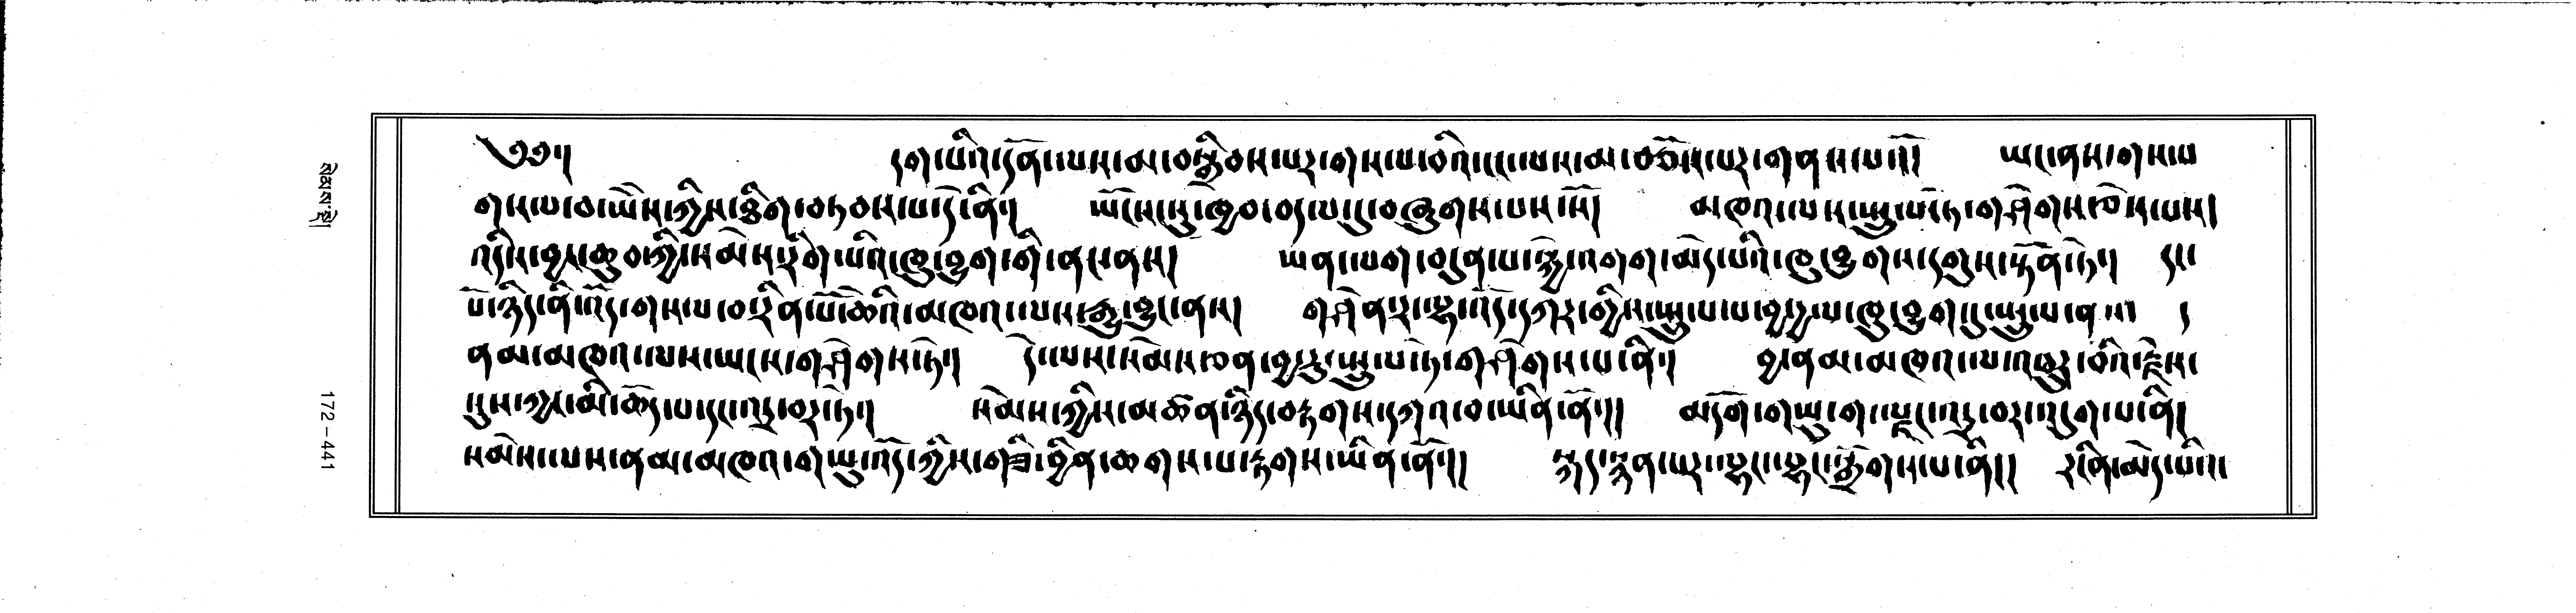དག་པའི་དོན་ལས་མ་བསྒྲིབས་པར་གསལ་བའི་ངང་ལས་མ་བཅོས་པར་གནས་པའོ། ཡང་ནས་
གསལ་བ་ཡེ་ཤེས་ཀྱིས་ཐིག་བཏབས་པ་དེ་ནི། ཡོངས་སུ་ཁྱབ་བདལ་དུ་བཞུགས་པས་སོ། མཁའ་ལས་སྤྲུལ་ཏེ་གཤེགས་ཅེས་པས། 
འདིས་བྱང་ཆུབ་ཀྱིས་སེམས་རིག་པའི་ཁུ་བྱུག་གི་ནང་ནས། ཡན་ལག་བདུན་པ་སྐྱེ་འགག་མེད་པའི་ཁུ་བྱུག་དགུས་སྟོན་ཏེ། དང་
པོ་ཉིད་ནི་འོད་གསལ་བ་རིན་པོ་ཆེའི་མཁའ་ལས་རྒྱུ་བྱུང་ནས། གཤེན་ལྷ་འོད་དཀར་གྱིས་སྤྲུལ་པ་བྱ་རྒྱལ་ཁུ་བྱུག་དུ་སྤྲུལ་ནས། 
ནམ་མཁའ་ལས་ཡང་གཤེགས་ཏེ། དེ་ལས་སེམས་ཅན་བྱ་རུ་སྤྲུལ་ཏེ་གཤེགས་པ་ནི། བྱ་ནམ་མཁའ་ལ་འཕུར་བའི་རྗེས་
སུས་ཀྱང་མི་ཆོད་པ་དང་འདྲ་བར་ཏེ། སེམས་ཀྱིས་མཚན་ཉིད་བརྟགས་དཀའ་བ་ཡིན་ནོ། མདོག་གཡུ་ག་ལྗང་འདྲ་བར་འདུག་པ་ནི། 
སེམས་ལས་ནམ་མཁའ་གཡུ་འོད་ཀྱིས་གཟི་བྱིན་ཆགས་པ་རྟགས་ཡིན་ནོ། སྐད་སྙན་པར་ལྷང་ལྷང་སྒྲོགས་པ་ནི། རང་བཞིན་མེད་པའི་